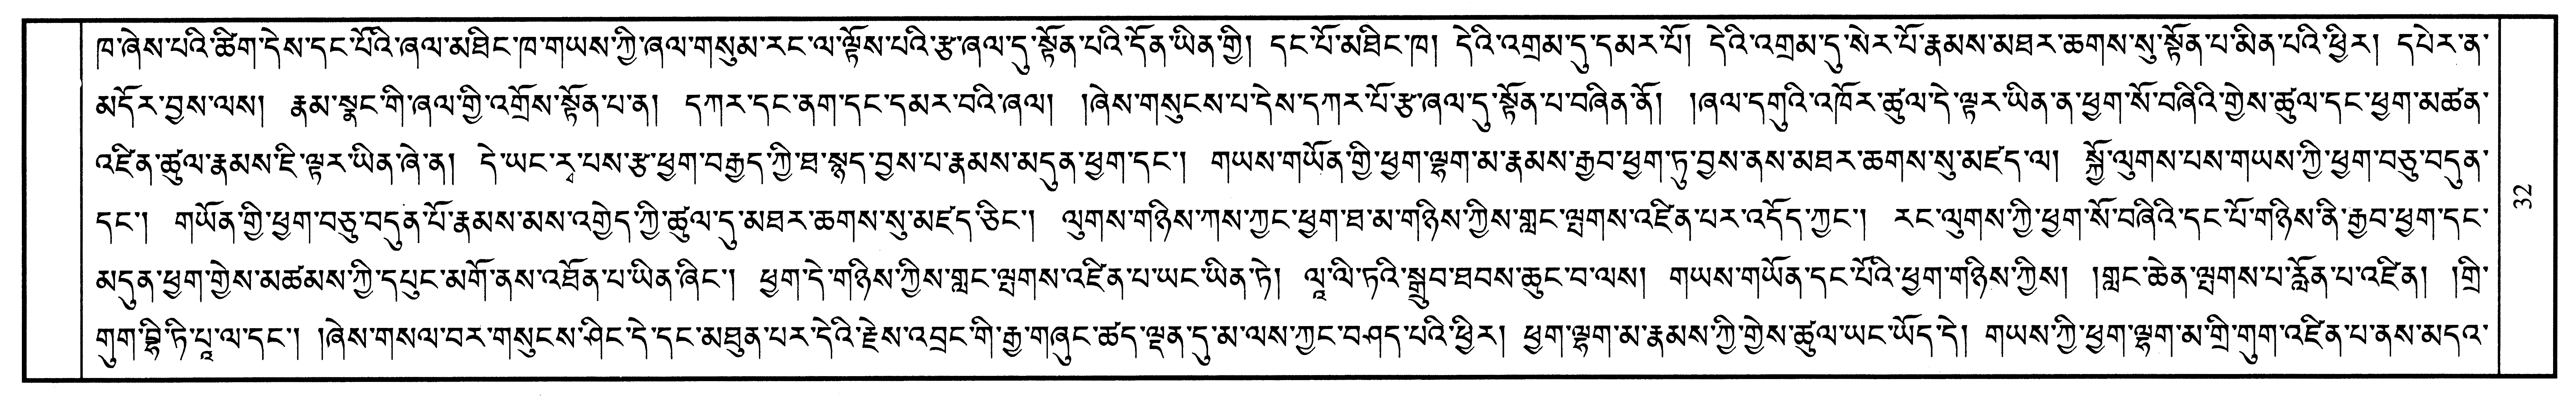ཁ་ཞེས་པའི་ཚིག་དེས་དང་པོའི་ཞལ་མཐིང་ཁ་གཡས་ཀྱི་ཞལ་གསུམ་རང་ལ་ལྟོས་པའི་རྩ་ཞལ་དུ་སྟོན་པའི་དོན་ཡིན་གྱི། དང་པོ་མཐིང་ཁ། དེའི་འགྲམ་དུ་དམར་པོ། དེའི་འགྲམ་དུ་སེར་པོ་རྣམས་མཐར་ཆགས་སུ་སྟོན་པ་མིན་པའི་ཕྱིར། དཔེར་ན་
མདོར་བྱས་ལས། རྣམ་སྣང་གི་ཞལ་གྱི་འགྲོས་སྟོན་པ་ན། དཀར་དང་ནག་དང་དམར་བའི་ཞལ། །ཞེས་གསུངས་པ་དེས་དཀར་པོ་རྩ་ཞལ་དུ་སྟོན་པ་བཞིན་ནོ། །ཞལ་དགུའི་འཁོར་ཚུལ་དེ་ལྟར་ཡིན་ན་ཕྱག་སོ་བཞིའི་གྱེས་ཚུལ་དང་ཕྱག་མཚན་
འཛིན་ཚུལ་རྣམས་ཇི་ལྟར་ཡིན་ཞེ་ན། དེ་ཡང་རྭ་པས་རྩ་ཕྱག་བརྒྱད་ཀྱི་ཐ་སྙད་བྱས་པ་རྣམས་མདུན་ཕྱག་དང་། གཡས་གཡོན་གྱི་ཕྱག་ལྷག་མ་རྣམས་རྒྱབ་ཕྱག་ཏུ་བྱས་ནས་མཐར་ཆགས་སུ་མཛད་ལ། སྐྱོ་ལུགས་པས་གཡས་ཀྱི་ཕྱག་བཅུ་བདུན་
དང་། གཡོན་གྱི་ཕྱག་བཅུ་བདུན་པོ་རྣམས་མས་འགྱེད་ཀྱི་ཚུལ་དུ་མཐར་ཆགས་སུ་མཛད་ཅིང་། ལུགས་གཉིས་ཀས་ཀྱང་ཕྱག་ཐ་མ་གཉིས་ཀྱིས་གླང་ལྤགས་འཛིན་པར་འདོད་ཀྱང་། རང་ལུགས་ཀྱི་ཕྱག་སོ་བཞིའི་དང་པོ་གཉིས་ནི་རྒྱབ་ཕྱག་དང་
མདུན་ཕྱག་གྱེས་མཚམས་ཀྱི་དཔུང་མགོ་ནས་འཐོན་པ་ཡིན་ཞིང་། ཕྱག་དེ་གཉིས་ཀྱིས་གླང་ལྤགས་འཛིན་པ་ཡང་ཡིན་ཏེ། ལཱ་ལི་ཏའི་སྒྲུབ་ཐབས་ཆུང་བ་ལས། གཡས་གཡོན་དང་པོའི་ཕྱག་གཉིས་ཀྱིས། །གླང་ཆེན་ལྤགས་པ་རློན་པ་འཛིན། །གྲི་
གུག་བྷི་ཏི་པཱ་ལ་དང་། །ཞེས་གསལ་བར་གསུངས་ཤིང་དེ་དང་མཐུན་པར་དེའི་རྗེས་འབྲང་གི་རྒྱ་གཞུང་ཚད་ལྡན་དུ་མ་ལས་ཀྱང་བཤད་པའི་ཕྱིར། ཕྱག་ལྷག་མ་རྣམས་ཀྱི་གྱེས་ཚུལ་ཡང་ཡོད་དེ། གཡས་ཀྱི་ཕྱག་ལྷག་མ་གྲི་གུག་འཛིན་པ་ནས་མདའ་